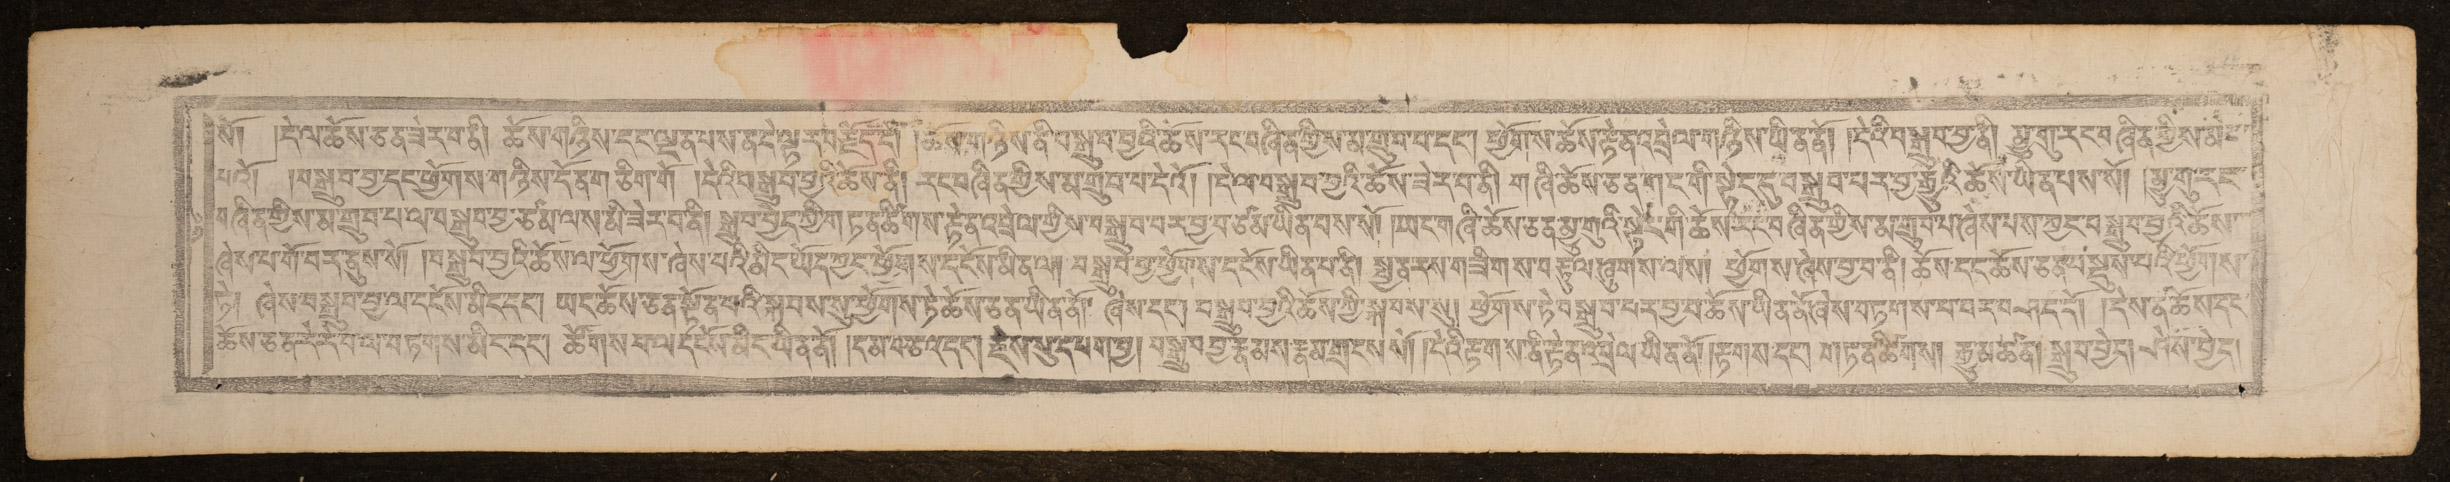སོ། །དེ་ལ་ཆོས་ཅན་ཟེར་བ་ནི། ཆོས་གཉིས་དང་ལྡན་པས་ན་དེ་ལྟར་བརྗོད་དོ། །ཆོས་གཉིས་ནི་བསྒྲུབ་བྱའི་ཆོས་རང་བཞིན་གྱིས་མ་གྲུབ་པ་དང་། ཕྱོགས་ཆོས་རྟེན་འབྲེལ་གཉིས་ཡིན་ནོ། །དེའི་བསྒྲུབ་བྱ་ནི། མྱུ་གུ་རང་བཞིན་གྱིས་མེད་
པའོ། །བསྒྲུབ་བྱ་དང་ཕྱོགས་གཉིས་དོན་གཅིག་གོ །དེའི་བསྒྲུབ་བྱའི་ཆོས་ནི། རང་བཞིན་གྱིས་མ་གྲུབ་པ་དེའོ། །དེ་ལ་བསྒྲུབ་བྱའི་ཆོས་ཟེར་བ་ནི། གཞི་ཆོས་ཅན་གང་གི་སྟེང་དུ་བསྒྲུབ་པར་བྱ་རྒྱུའི་ཆོས་ཡིན་པས་སོ། །མྱུ་གུ་རང་
བཞིན་གྱིས་མ་གྲུབ་པ་ལ་བསྒྲུབ་བྱ་ཙམ་ལས་མི་ཟེར་བ་ནི། སྒྲུབ་བྱེད་ཀྱི་གཏན་ཚིགས་རྟེན་འབྲེལ་གྱིས་བསྒྲུབ་པར་བྱ་བ་ཙམ་ཡིན་པས་སོ། །ཡང་གཞི་ཆོས་ཅན་མྱུ་གུའི་སྟེང་གི་ཆོས་རང་བཞིན་གྱིས་མ་གྲུབ་པ་ཞེས་པས་ཀྱང་བསྒྲུབ་བྱའི་ཆོས་
ཞེས་པ་གོ་བར་ནུས་སོ། །བསྒྲུབ་བྱའི་ཆོས་ལ་ཕྱོགས་ཞེས་པའི་མིང་ཡོད་ཀྱང་ཕྱོགས་དངོས་མིན་ལ། བསྒྲུབ་བྱ་ཕྱོགས་དངོས་ཡིན་པ་ནི། སྤྱན་རས་གཟིགས་བརྟུལ་ཞུགས་ལས། ཕྱོགས་ཞེས་བྱ་བ་ནི། ཆོས་དང་ཆོས་ཅན་བསྡུས་པའི་ཕྱོགས་
ཏེ། ཞེས་བསྒྲུབ་བྱ་ལ་དངོས་མིང་དང་། ཡང་ཆོས་ཅན་སྟོན་པའི་སྐབས་སུ་ཕྱོགས་ཏེ་ཆོས་ཅན་ཡིན་ནོ། །ཞེས་དང་། བསྒྲུབ་བྱའི་ཆོས་ཀྱི་སྐབས་སུ། ཕྱོགས་ཏེ་བསྒྲུབ་པར་བྱ་བ་ཆོས་ཡིན་ནོ་ཞེས་བཏགས་པ་བར་བཤད་དོ། །དེས་ན་ཆོས་དང་
ཆོས་ཅན་རེ་རེ་བ་ལ་བཏགས་མིང་དང་། ཚོགས་པ་ལ་དངོས་མིང་ཡིན་ནོ། །དམ་བཅའ་དང་། རྗེས་སུ་དཔག་བྱ། བསྒྲུབ་བྱ་རྣམས་རྣམ་གྲངས་སོ། །དེའི་རྟགས་ནི་རྟེན་འབྲེལ་ཡིན་ནོ། །རྟགས་དང་། གཏན་ཚིགས། རྒྱུ་མཚན། སྒྲུབ་བྱེད། ཤེས་བྱེད།